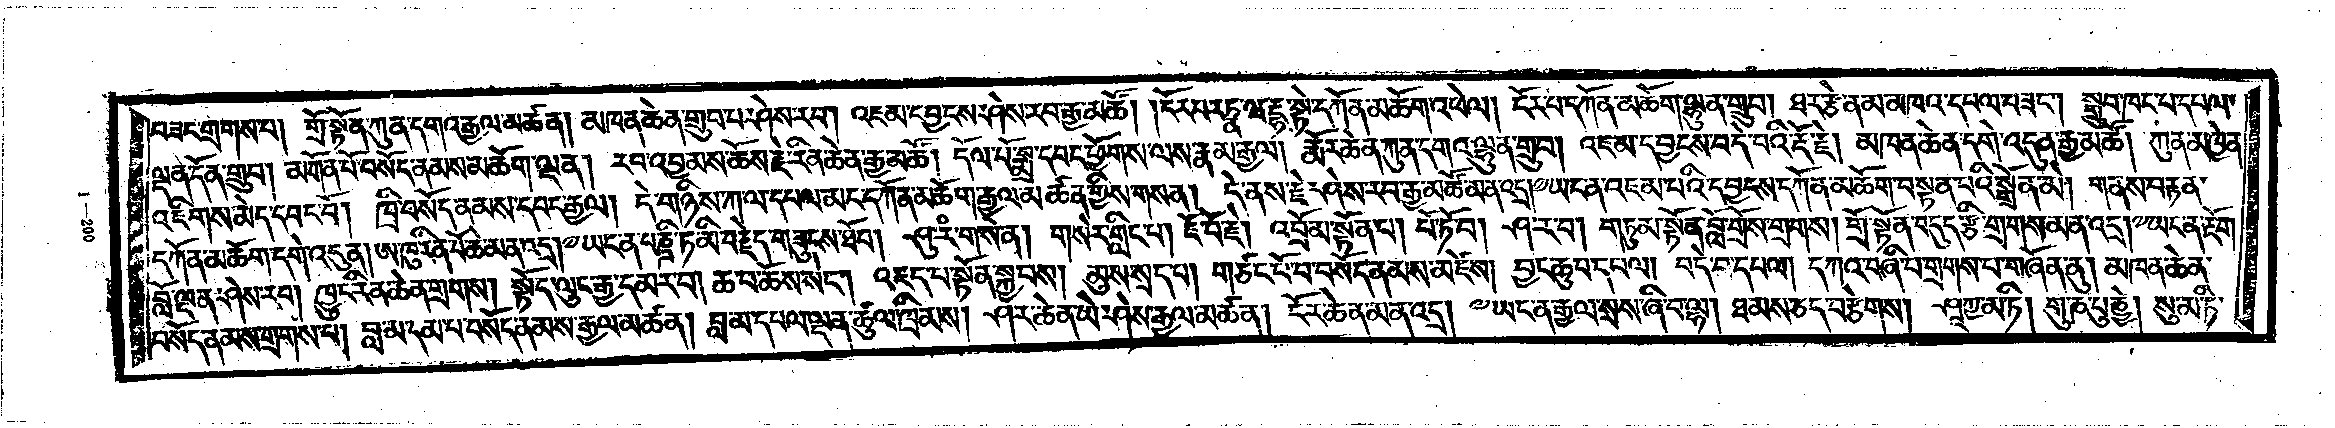བཟང་གྲགས་པ། གྲོ་སྟོན་ཀུན་དགའ་རྒྱལ་མཚན། མཁན་ཆེན་གྲུབ་པར་ཤེས་རབ། འཇམ་དབྱངས་ཤེས་རབ་རྒྱ་མཚོ། །ངོར་པརཏྣ་ཝརྡྷ་སྟེ་དཀོན་མཆོག་འཕེལ། ངོར་པ་དཀོན་མཆོག་ལྷུན་གྲུབ། ཐར་རྩེ་ནམ་མཁའ་དཔལ་བཟང་། སྒྲུབ་ཁང་པ་དཔལ་
ལྡན་དོན་གྲུབ། མགོན་པོ་བསོད་ནམས་མཆོག་ལྡན། རབ་འབྱམས་ཆོས་རྗེ་རིན་ཆེན་རྒྱ་མཚོ། དོལ་པོ་སྨྲ་དབང་ཕྱོགས་ལས་རྣམ་རྒྱལ། རྨོར་ཆེན་ཀུན་དགའ་ལྷུན་གྲུབ། འཇམ་དབྱངས་བདེ་བའི་རྡོ་རྗེ། མཁན་ཆེན་དགེ་འདུན་རྒྱ་མཚོ། ཀུན་མཁྱེན་
འཇིགས་མེད་དབང་པོ། ཁྲི་བསོད་ནམས་དབང་རྒྱལ། དེ་གཉིས་ཀ་ལ་དཔལ་མང་དཀོན་མཆོག་རྒྱལ་མཚན་གྱིས་གསན། དེ་ནས་རྗེ་ཤེས་རབ་རྒྱ་མཚོ་མན་འདྲ། ༧་ཡང་ན་འཇམ་པའི་དབྱངས་དཀོན་མཆོག་བསྟན་པའི་སྒྲོན་མེ། གནས་བརྟན་
དཀོན་མཆོག་དགེ་འདུན། ཨ་ཁུ་རིན་པོ་ཆེ་མན་འདྲ། ༧་ཡང་ན་པཎྜི་ཏ་མི་བརྗེད་གཟུང་ཐོབ། ཤུ་རཾ་གསེན། གསེར་གླིང་བ། ཇོ་བོ་རྗེ། འབྲོམ་སྟོན་པ། པོ་ཏོ་བ། ཤ་ར་བ། གཏུམ་སྟོན་བློ་གྲོས་གྲགས། གྲོ་སྟོན་བདུད་རྩི་གྲགས་མན་འདྲ། ༧ཡང་ན་རྡོག་
བློ་ལྡན་ཤེས་རབ། ཁྱུང་རིན་ཆེན་གྲགས། སྟོད་ལུང་རྒྱ་དམར་བ། ཆ་བ་ཆོས་སེང་། འཇད་པ་སྟོན་སྐྱབས། མུས་སྲད་པ། གཙང་པོ་བ་བསོད་ནམས་མཛེས། བྱང་